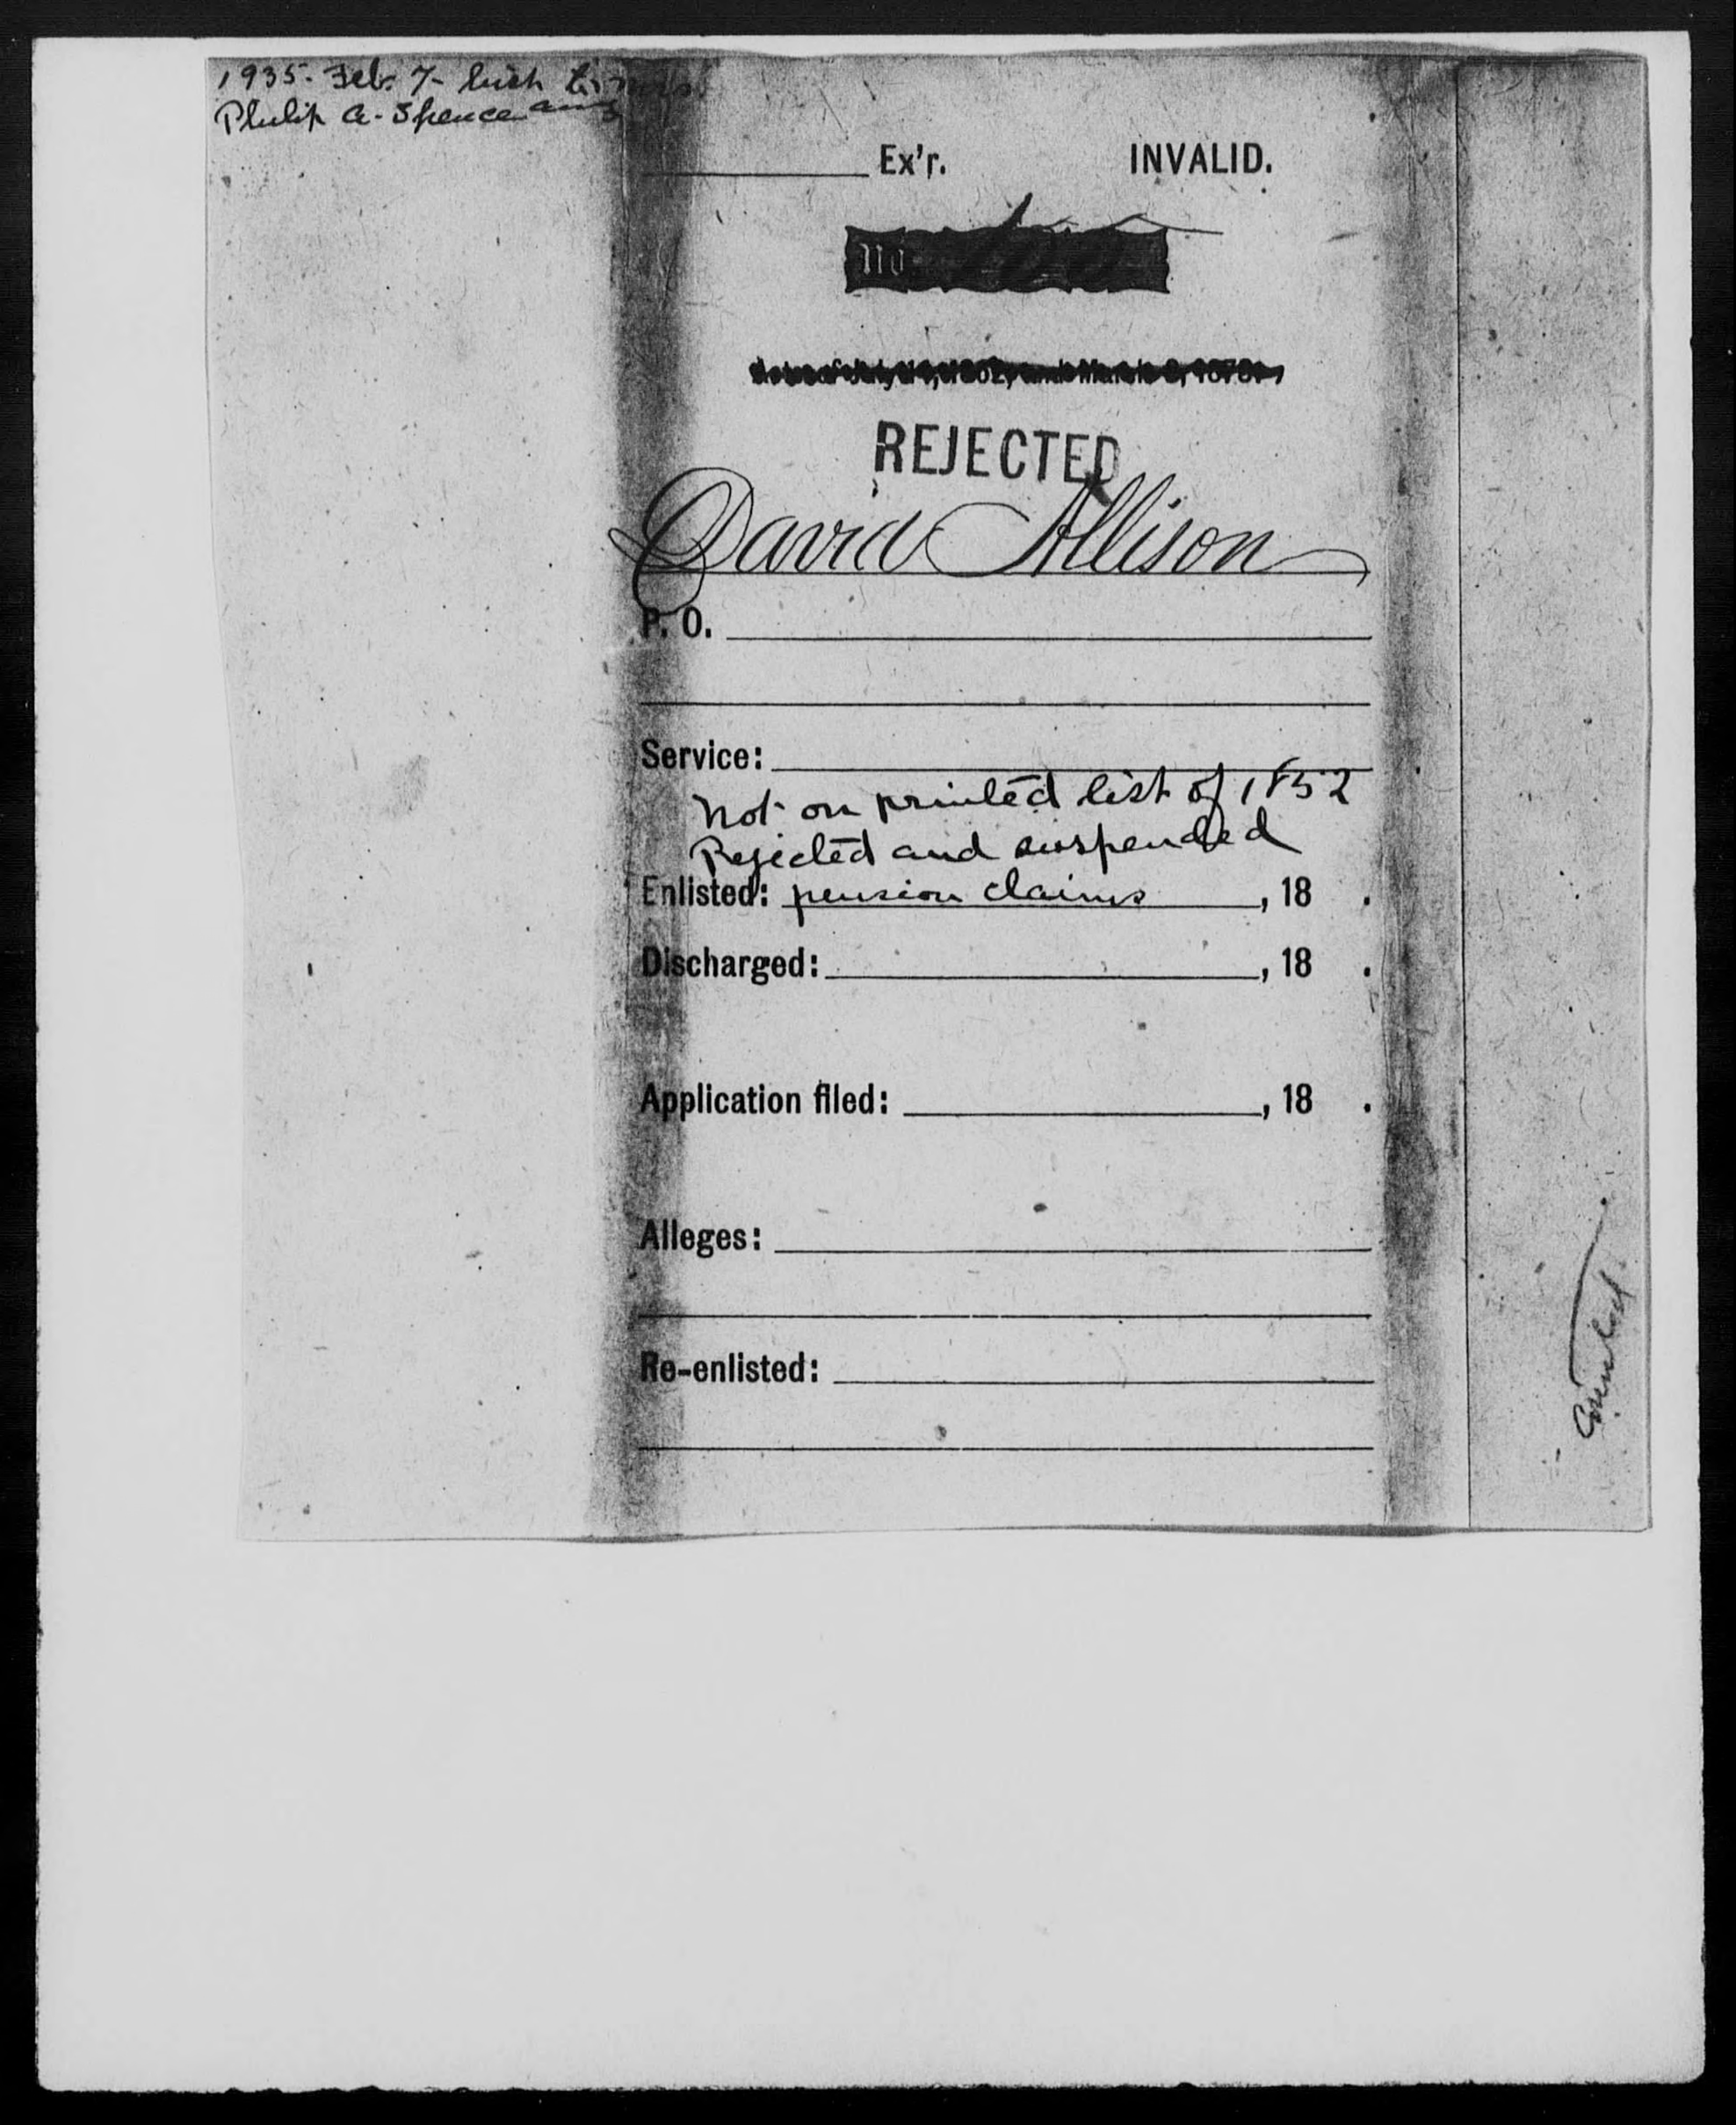REJECTED
David Allison
Service:  Not on printed list of 1852.  Rejected and suspended.
Enlisted: pension claims

1935 Feb 7  [illegible] to Mrs. Philip A Spence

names: Philip A Spence, David Allison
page: 14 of 33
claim: rejected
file: R. 155, David Allison, N.C.